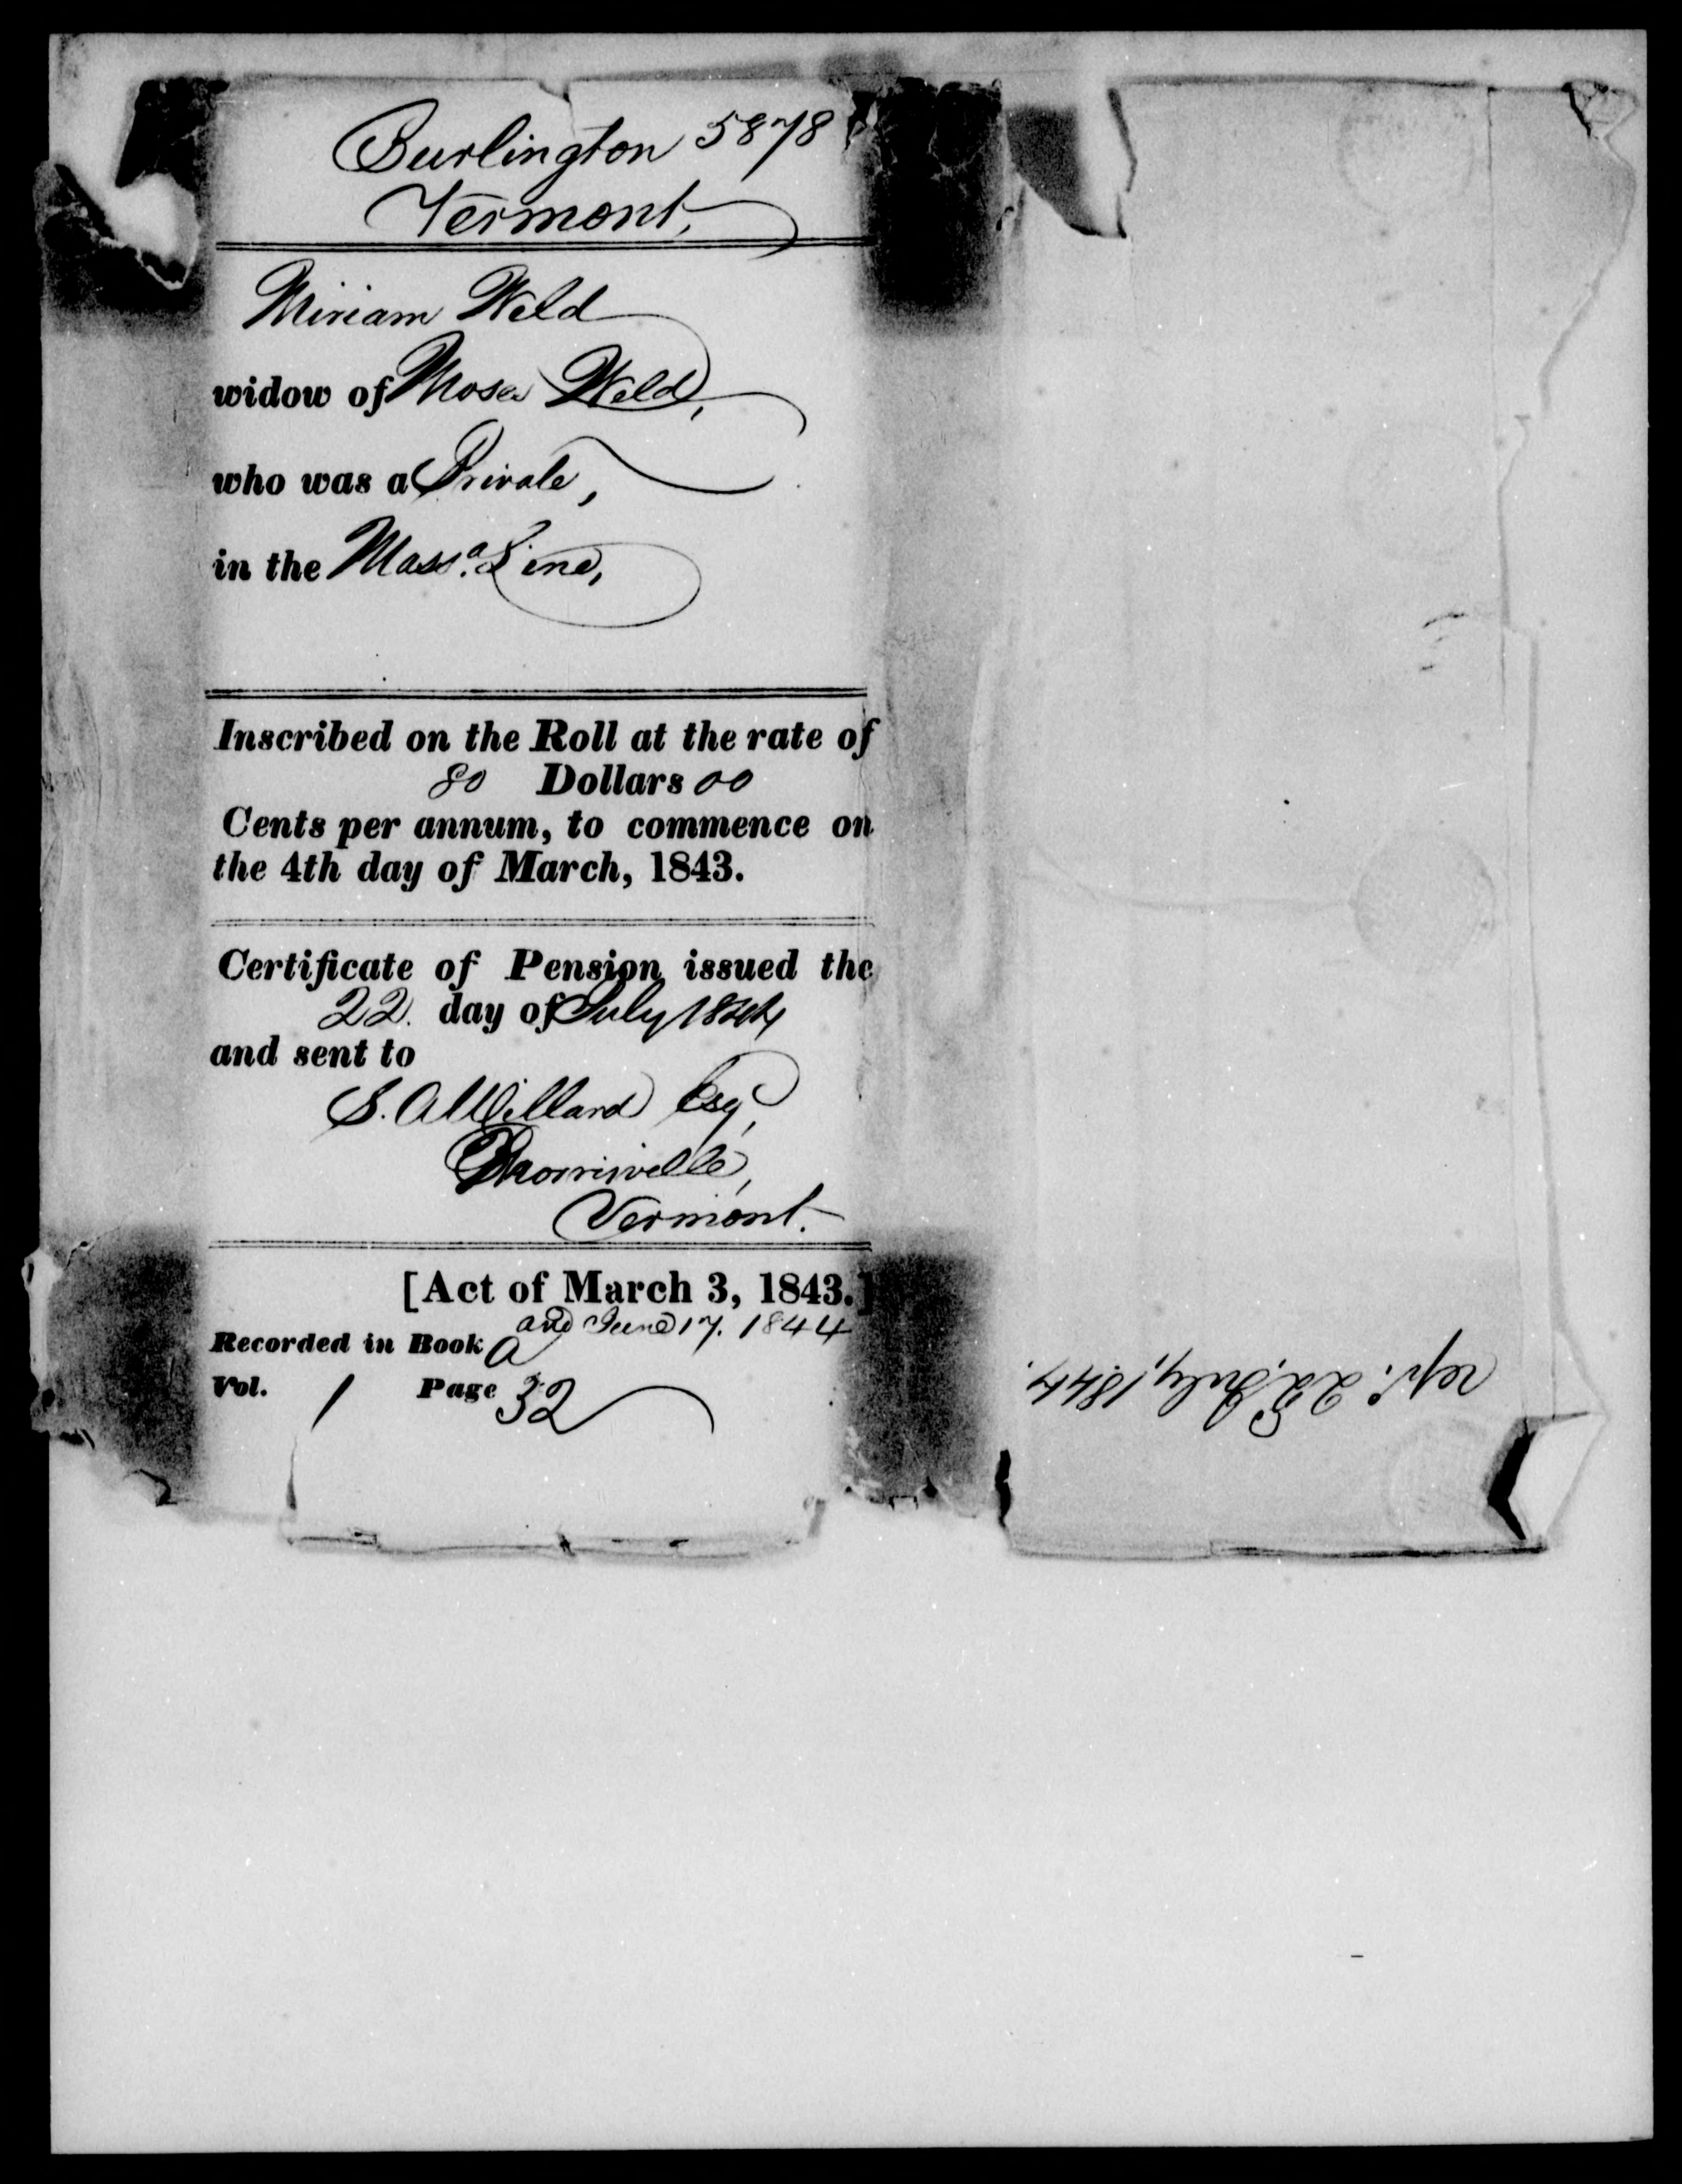Burlington 5878?
Vermont
Miriam Weld
widow of Moses Weld
who was a Private,
in the Mass. Line,
Inscribed on the Roll at the rate of
80 Dollars 00
Cents per annum, to commence on
the 4th day of March, 1843.
Certificate of Pension issued the
22 day of July 1844
and sent to
S.A. Willard Esq. 
Morrisville, Vermont
Act of March 3, 1843, and June 17 1844
Recorded in Book A
Vol. 1  Page 32

[on other side of fold, upside down]
Refs 22 July 1844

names: Moses Weld, S A Willard, Miriam Weld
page: 3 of 87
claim: widow's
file: W. 25,966, Moses Weld, Mass.